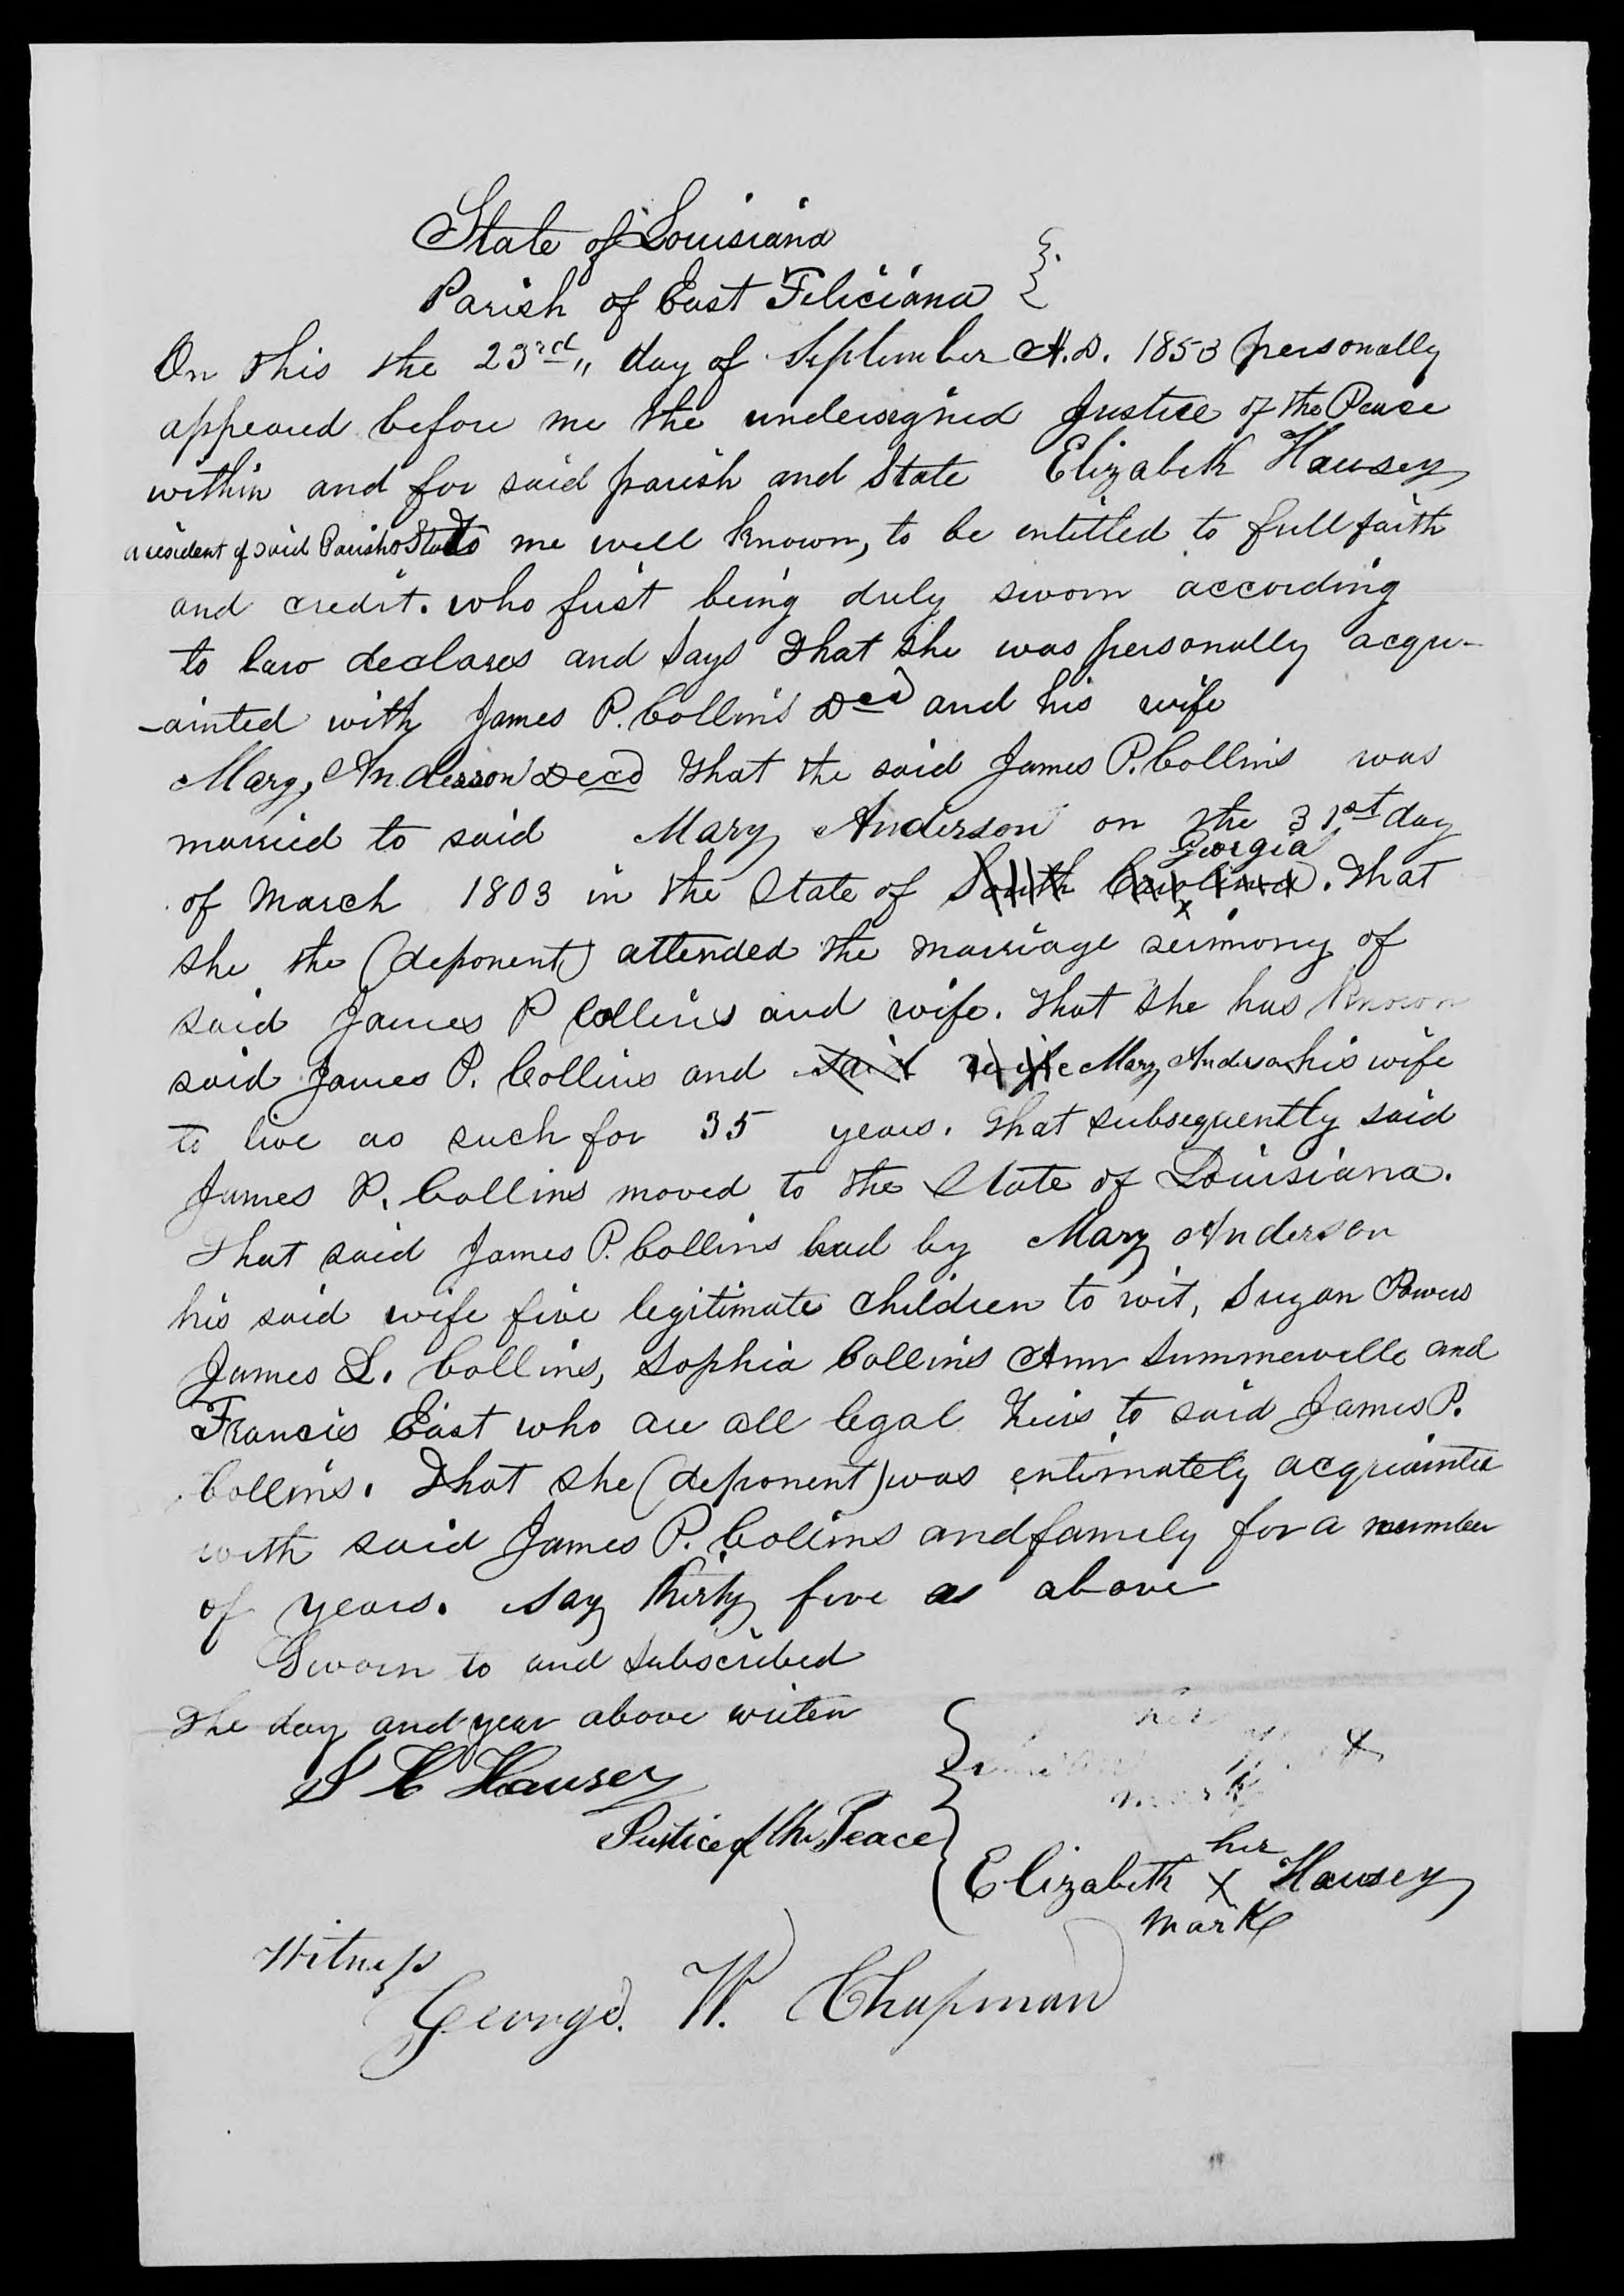State of Louisiana
Parish of East Feliciana
On this the 23rd day of September A.D. 1853 personally appeared before me the undersigned Justice of the Peace within and for said parish and State Elizabeth Hausey resident of said Parish to me well known to be entitled to full faith and credit, who first being duly sworn according to
law declares and says that she was personally acquainted with James P. Collins Dcd and his wife
Mary Anderson Dcd That the said James P. Collins was married to said Mary Anderson on the 31st day of March 1803 in the State of Georgia that she the deponent attended the marriage ceremony of said James P Collins and wife. That she has known said James C. Collins and said wife Mary Anne his wife to live as such for 35 years. That subsequently said James P. Collins moved to the State of Louisiana. That said James P. Collins had by Mary Anderson his said wife five legitimate children to wit, Suzan Powers, James L. Collins, Sophia Collins, Ann Summerville and Francis East who are all legal heirs to said James P. Collins, That she (deponent) was intimately acquainted with said James P. Collins and family for a number of years. say thirty five as above
[signed] Elizabeth X Hausey her mark

Sworn to and subscribed the day and year above written
J C Hausey
Justice of the Peace

Witness
George W. Chapman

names: Mary Anderson, James P Collins, George W Chapman, Ann Summerville, Mary Anderson, J H Hawsey, James P Collins, James P Collins, James P Collins, James P Collins, Elizabeth Hawsey, Elizabeth Hawsey, Suzan Powers, James P Collins, Sophia Collins, James P Collins, James P Collins, James L Collins, Mary Anderson, Mary Anderson, Francis East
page: 15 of 48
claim: rejected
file: R. 2173, James P Collins, S. C.